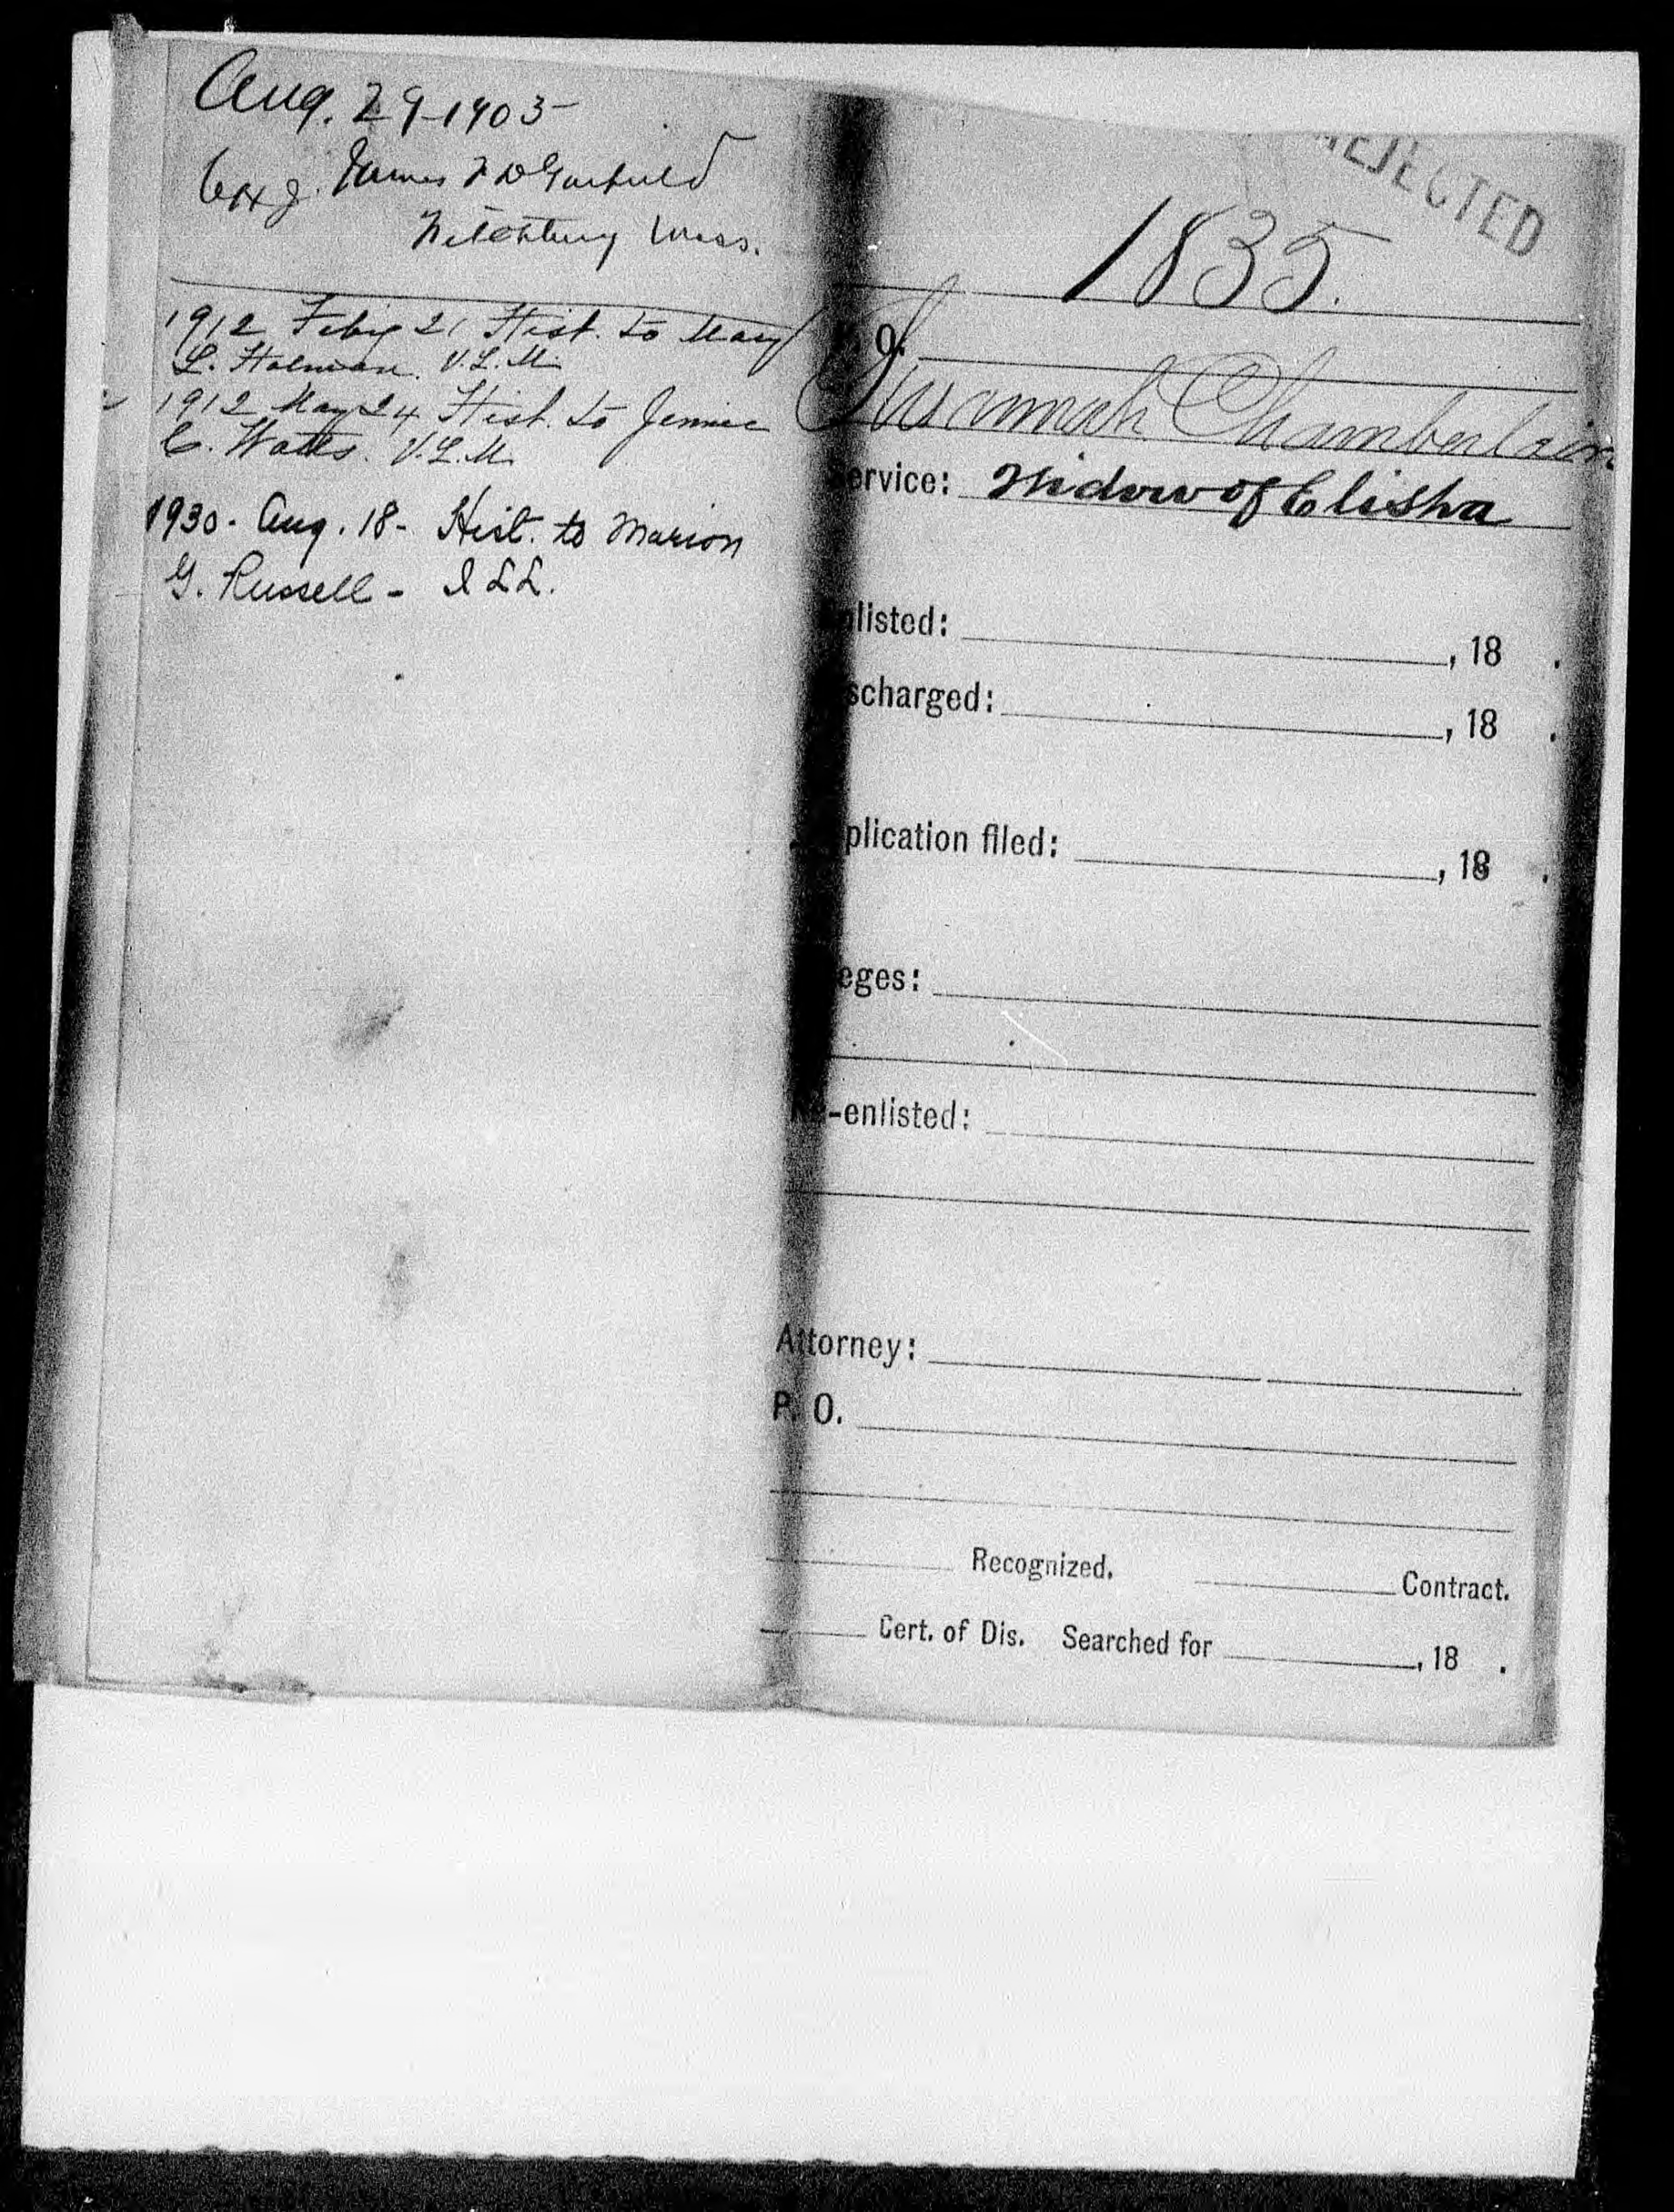[left side of page]
Aug. 29--1903--
GHJ.
James F D Garfield
Fitchburg  Mass.
_______________________________________
1912 Feby 21  Hist. to Mary
L. Holman.  V.L.M

1912 May 24  Hist to Jennie
C. Watts.  V.L.M

1930--Aug. 18--Hist. to Marion
G. Russell--ILL.

[right side of page]
REJECTED

1835.
P.O.______________________________________
Susannah Chamberlain
Service:  Widow of Elisha

Enlisted:_______________________, 18    .
Discharged:___________________, 18   .

Application filed:__________________, 18   .
Alleges:

Re-enlisted:

Attorney:
P.O.

_____________Recognized. ____________Contract.
______Cert. of Dis.   Searched for________, 18   .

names: James F D Garfield, Susannah Chamberlain, Mary L Halman, Elisha, Marion G Russell, Jennie C Watts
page: 23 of 24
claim: rejected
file: R. 1835, Elisha Chamberlain, Mass.